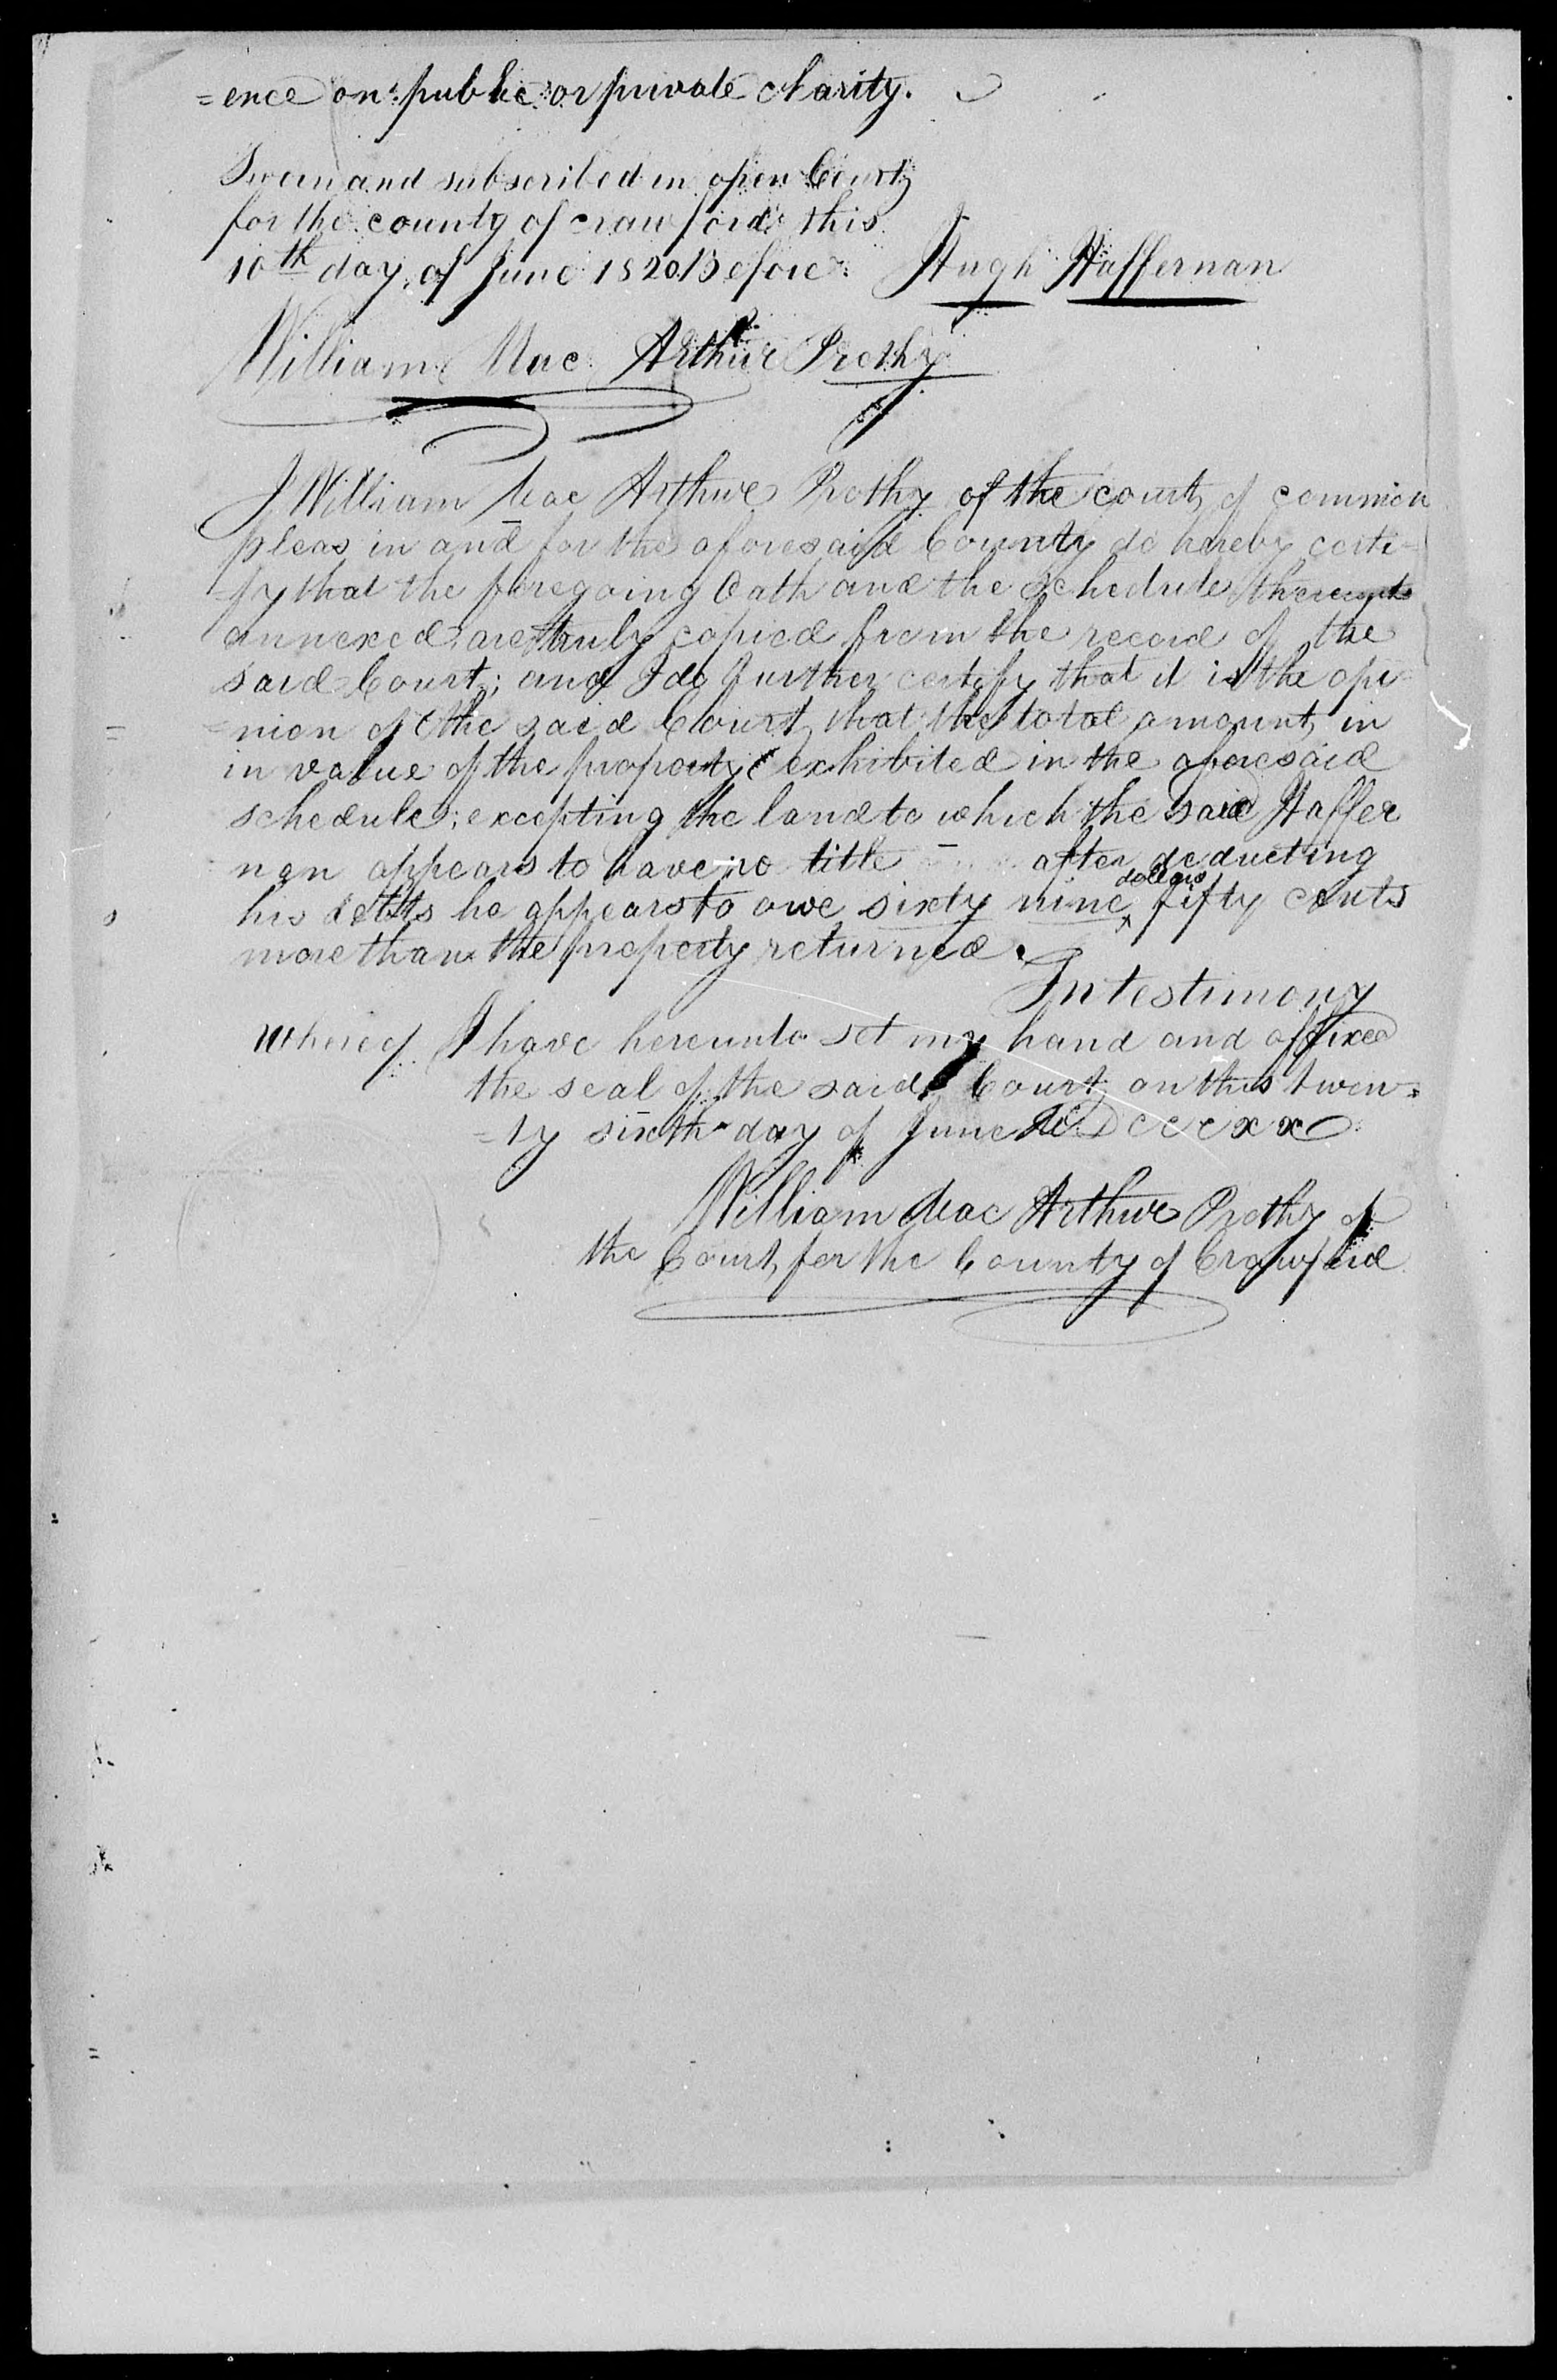ence on public or private charity.

Sworn and subscribed in open Court
for the County of Crawford this 10th day of June 1820 before 
William Mac Arthur Prothy
Hugh Haffernan

I William Mac Arthur Prothy of the court of Common pleas in and for the aforesaid County do hereby certify
that the foregoing oath and the Schedule there[illegible]
annexed, are truly copied from the record of
the said County; and I further certify that it is the opinion of the said Court that the total amount in
in value of the property exhibited in the aforesaid
schedules, excepting the land to which the said Haffernan appears to have no title.
After deducting his debts he appears to owe sixty nine dollars fifty cents
more than the property returned

In testimony
have hereunto set my hand and affixed
the seal of the said Court, on this twenty
sixth day of June AD [illegible]
William Mac Arthur Prothy of
the Court for the County of Crawford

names: Hugh Haffernan, William Mac Arthur, William Mac Arthur, Haffernan, William Mac Arthur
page: 9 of 21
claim: rejected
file: R. 4419, Hugh Haffernan, Penn.